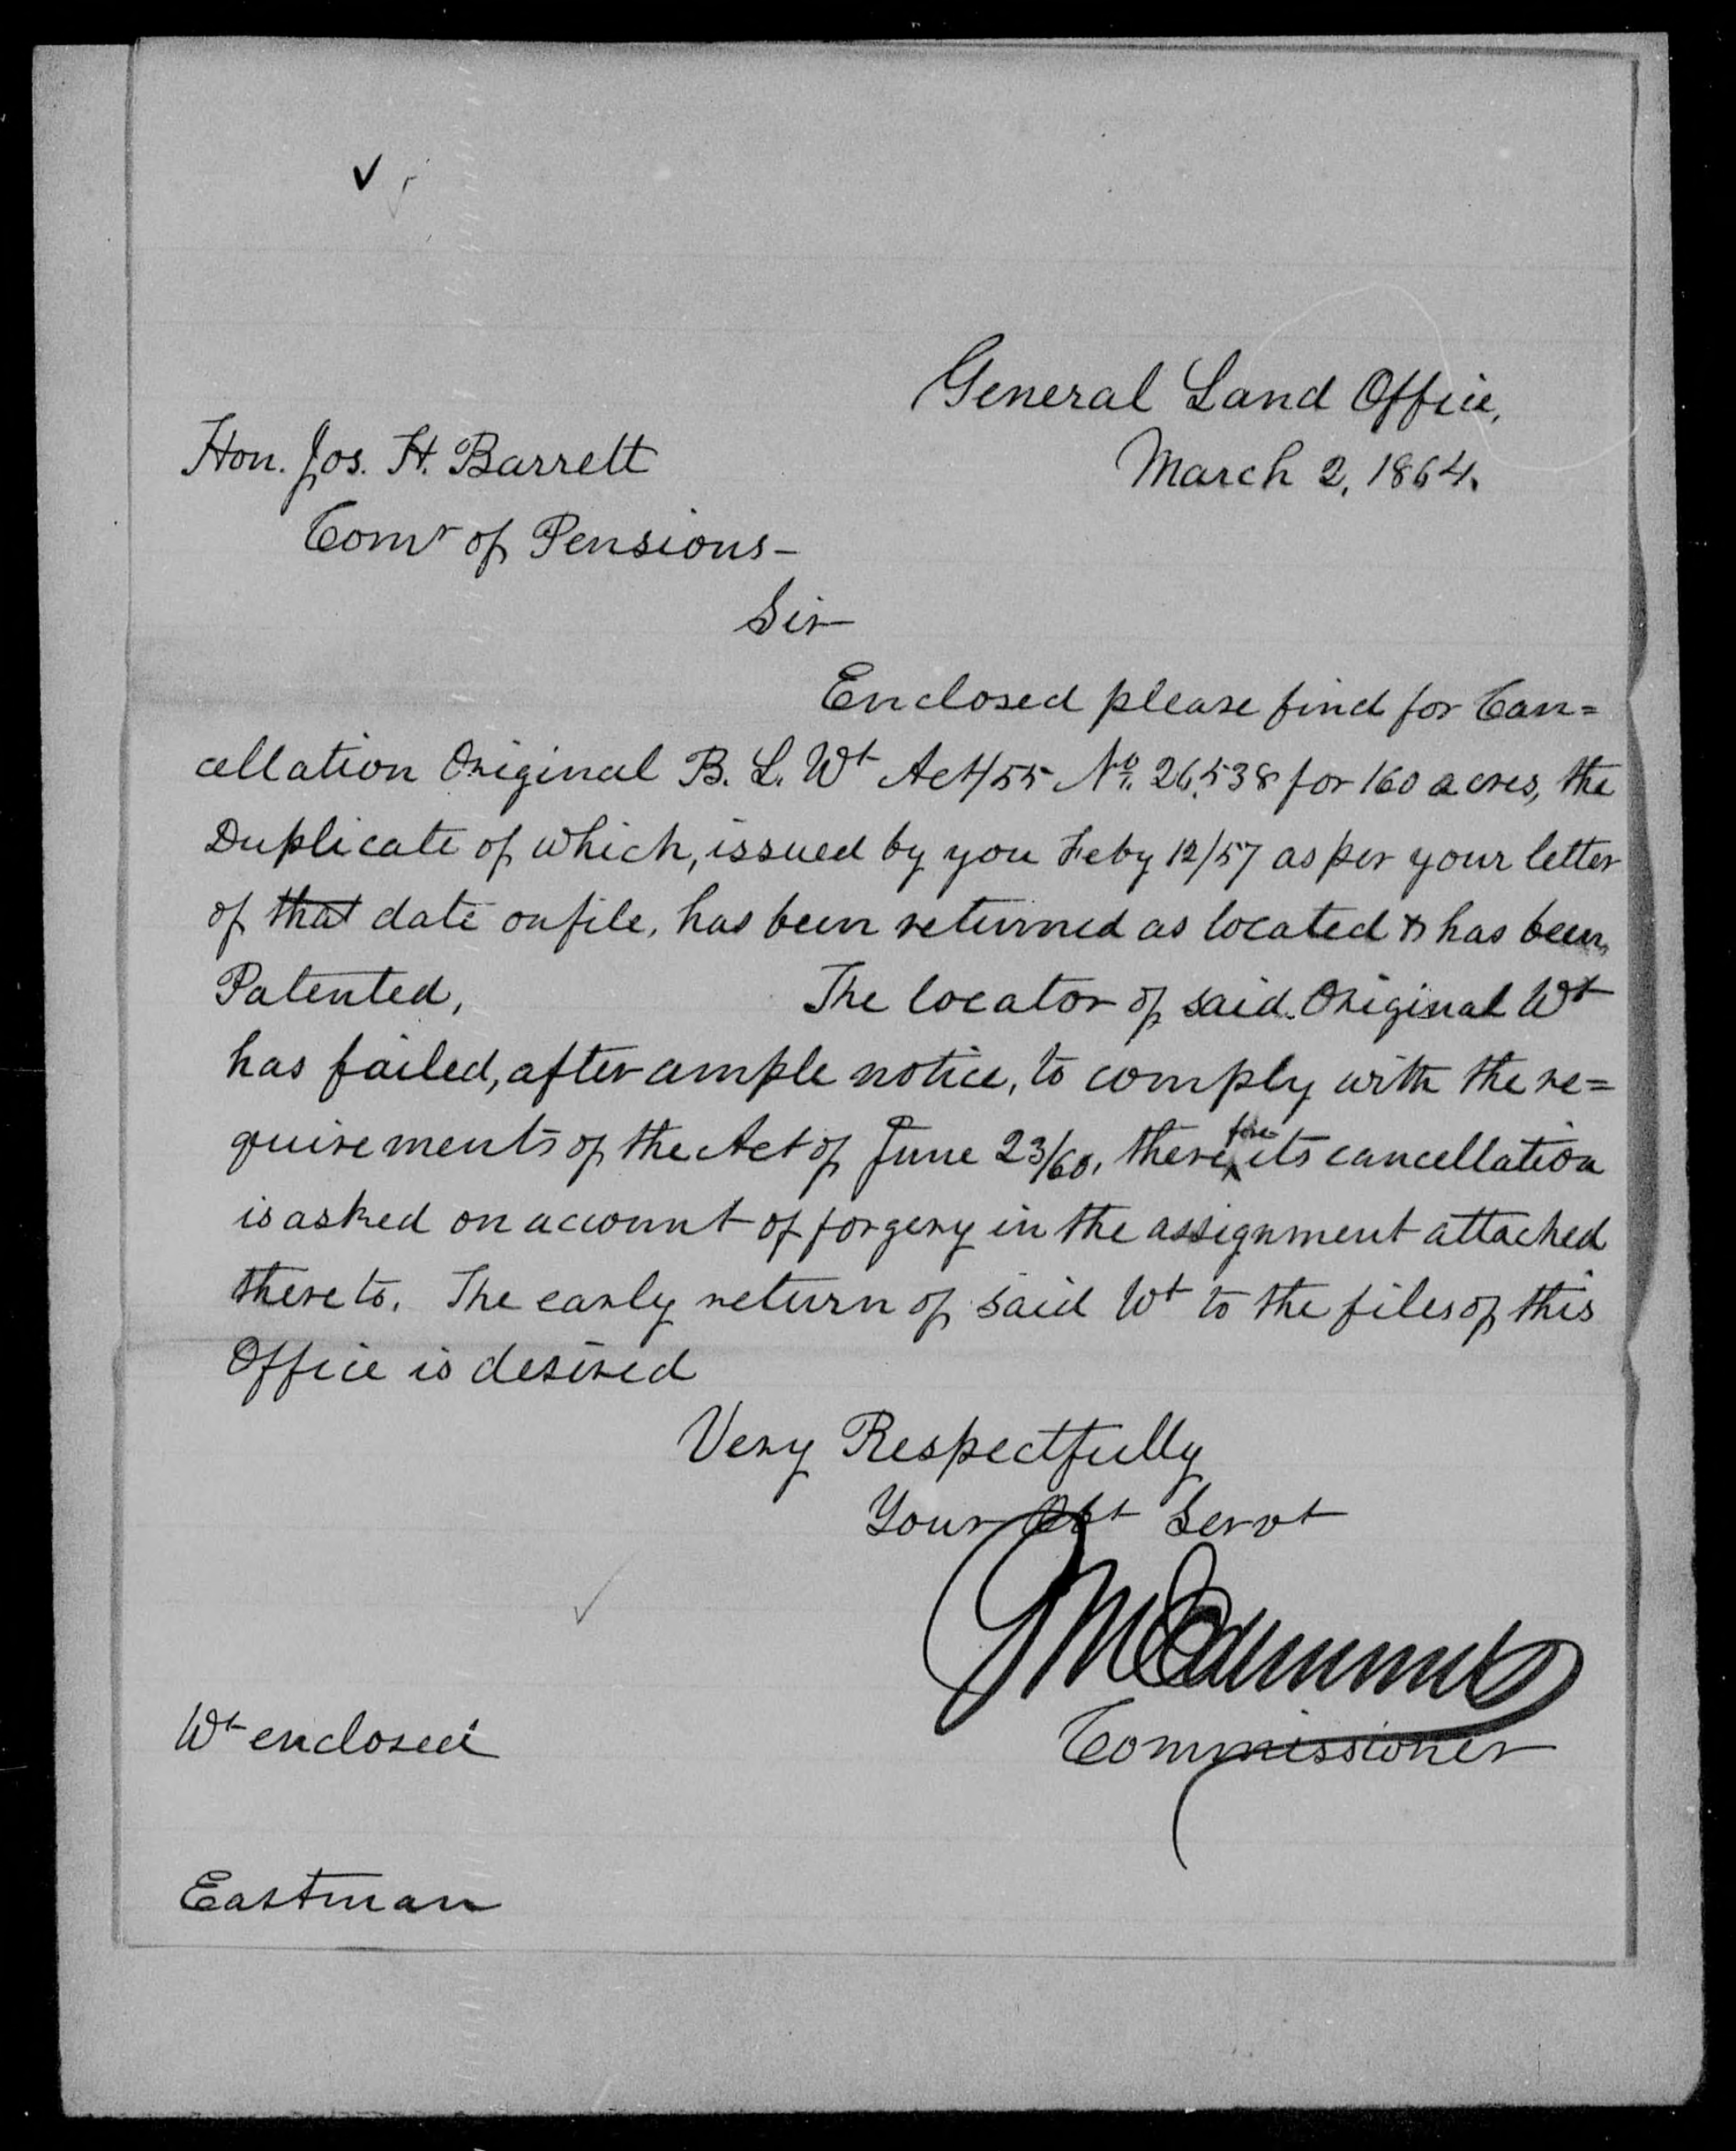General Land Office,
March 2, 1864.

Hon. Jos. H. Barrett
Comr-. of Pensions-

Sir-
Enclosed please find for Casecellation Original B. L. Wt. Act /55 No. 26.538 for 160 acres, the Duplicate of which, issued by you Feby 12/57 as per your letter of that date on file, has been returned as located & has been Patented, 
The locator of said Original Wt. has failed, after ample notice, to comply with the requirements of the Act of June 23/60, there for its cancellation is asked on account of forgery in the assignment attached there to. The early return of said Wt to the files of this office is desired.

Very Respectfully
Your Obt. Servt.

J. M. Edwards
Commissioner

Wt enclosed

Eastman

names: J M Edmund, Jos H Barrett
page: 71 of 92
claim: widow's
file: W 1173, Robert Hamill, Penn.